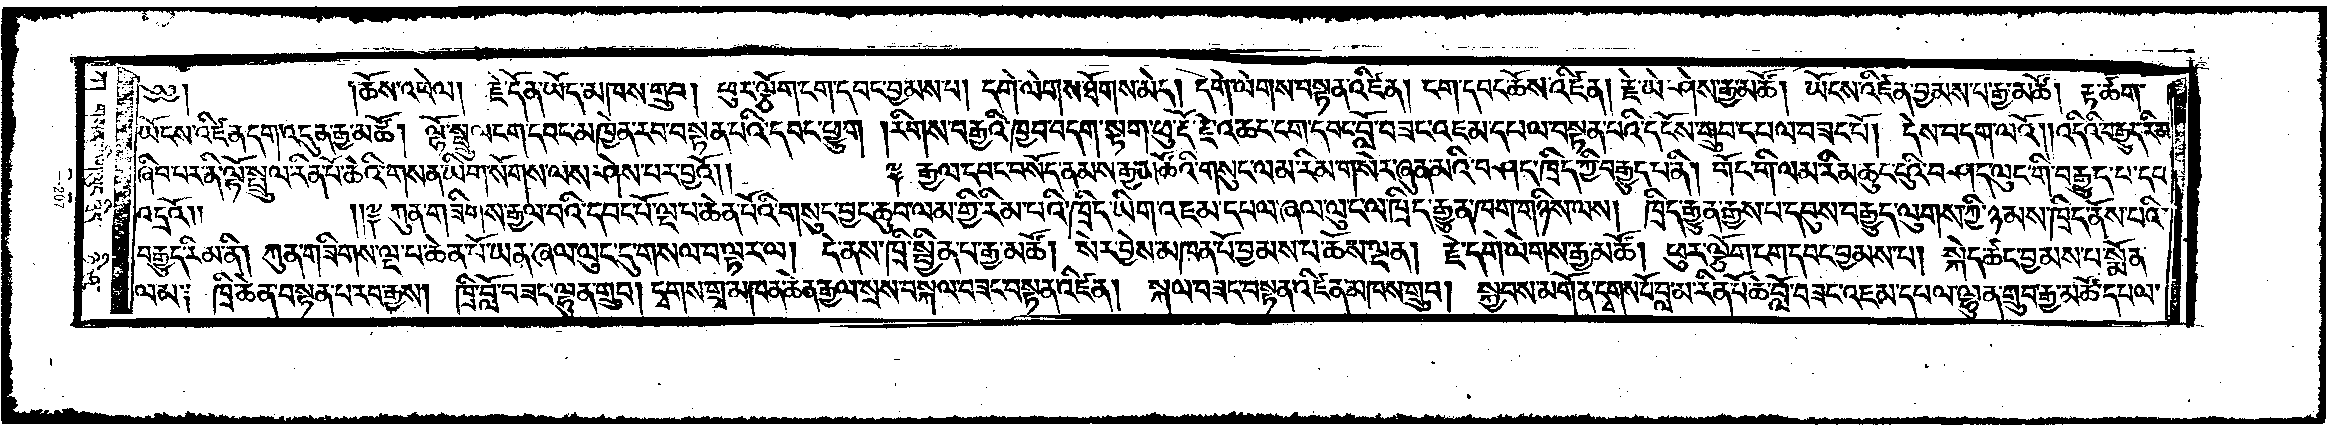༄༅། །ཆོས་འཕེལ། རྗེ་དོན་ཡོད་མཁས་གྲུབ། ཕུར་ལྕོག་ངག་དབང་བྱམས་པ། དགེ་ལེགས་ཐོགས་མེད། དགེ་ལེགས་བསྟན་འཛིན། ངག་དབང་ཆོས་འཛིན། རྗེ་ཡེ་ཤེས་རྒྱ་མཚོ། ཡོངས་འཛིན་བྱམས་པ་རྒྱ་མཚོ། རྟ་ཚག་
ཡོངས་འཛིན་དག་འདུན་རྒྱ་མཚོ། ལྷོ་སྦྲུལ་ངག་དབང་མཁྱེན་རབ་བསྟན་པའི་དབང་ཕྱུག །རིགས་བརྒྱའི་ཁྱབ་བདག་སྟག་ཕུ་རྡོ་རྗེ་འཆང་ངག་དབང་བློ་བཟང་འཇམ་དཔལ་བསྟན་པའི་དངོས་གྲུབ་དཔལ་བཟང་པོ། དེས་བདག་ལའོ། །འདིའི་བརྒྱུད་རིམ་
ཞིབ་པར་ནི་ལྷོ་སྤྲུལ་རིན་པོ་ཆེའི་གསན་ཡིག་སོགས་ལས་ཤེས་པར་བྱའོ།། འ་རྒྱལ་དབང་བསོད་ནམས་རྒྱ་མཚོའི་གསུང་ལམ་རིམ་གསེར་ཞུན་མའི་བཤད་ཁྲིད་ཀྱི་བརྒྱུད་པ་ནི། གོང་གི་ལམ་རིམ་ཆུང་ངུའི་བཤད་ལུང་གི་བརྒྱུད་པ་དང་
འདྲའོ།། །།འ་ཀུན་གཟིགས་རྒྱལ་བའི་དབང་པོ་ལྔ་པ་ཆེན་པོའི་གསུང་བྱང་ཆུབ་ལམ་གྱི་རིམ་པའི་ཁྲིད་ཡིག་འཇམ་དཔལ་ཞལ་ལུང་ལ་ཁྲིད་རྒྱུན་ཁག་གཉེས་ལས། ཁྲིད་རྒྱུན་རྒྱས་པ་དབུས་བརྒྱུད་ལུགས་ཀྱི་ཉམས་ཁྲིད་ནོས་པའི་
བརྒྱུད་རིམ་ནི། ཀུན་གཟིགས་ལྔ་པ་ཆེན་པོ་ཡན་ཞལ་ལུང་དུ་གསལ་བ་ལྟར་ལ། དེ་ནས་ཁྲི་སྦྱིན་པ་རྒྱ་མཚོ། སེར་བྱེས་མཁན་པོ་བྱམས་པ་ཆོས་ལྡན། རྗེ་དགེ་ལེགས་རྒྱ་མཚོ། ཕུར་ལྕོག་ངག་དབང་བྱམས་པ། སྐེད་ཚང་བྱམས་པ་སྨོན་
ལམ༑ ཁྲི་ཆེན་བསྟན་པར་རབ་རྒྱས། ཁྲི་བློ་བཟང་ལྷུན་གྲུབ། དྭགས་གྲྭ་མཁན་ཆེན་རྒྱལ་སྲས་བསྐལ་བཟང་བསྟན་འཛིན། སྐལ་བཟང་བསྟན་འཛིན་མཁས་གྲུབ། སྐྱབས་མགོན་དྭགས་པོ་བླ་མ་རིན་པོ་ཆེ་བློ་བཟང་འཇམ་དཔལ་ལྷུན་གྲུབ་རྒྱ་མཚོ་དཔལ་